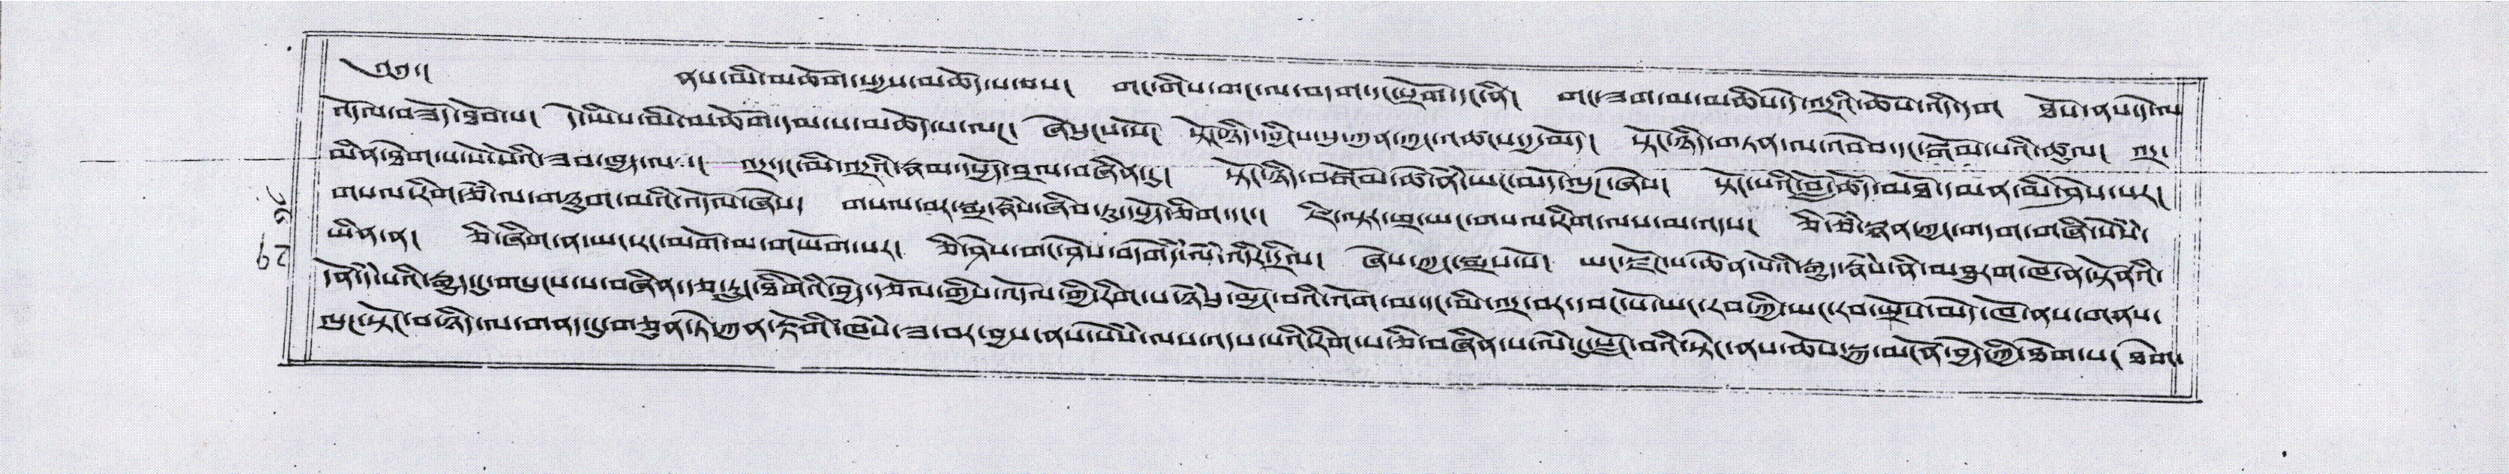ནས་མི་མཆོག་སངས་རྒྱས་མཆོད་པ་བས། གང་གིས་གང་ལ་བདག་དང་སྲོག་དང་ནི། གང་ཟག་མ་མཆིས་དེ་འདྲའི་ཆོས་འདི་དག ཐོས་ནས་དེ་ལ་
འདོལ་བཟོད་ཐོབ་པ། དེ་ཡིས་མི་མཆོག་དམ་པ་མཆོད་པ་ལགས། ཞེས་གསུངས་སོ། སྟོང་ཉིད་དབྱིངས་སུ་ཀུན་ཀྱང་འཚངས་རྒྱ་མོད། སྟོང་ཉིད་གཏན་ལ་འབེབ་དང་སྒོམ་པའི་ཚུལ། འདྲ་
མིན་ཐེག་པ་སོ་སོའི་ཟབ་ཁྱད་ལས། འདྲ་དང་མི་འདྲའི་རྣམ་དཔྱོད་བྲལ་བཞིན་དུ། སྟོང་ཉིད་བསྒོམ་ཚེ་ནམ་ཡང་མདོ་ལུགས་ཞེས། སྟོང་པའི་བློ་ཚོད་མཐོ་དམན་མི་ཤེས་པར། 
སལ་རིག་ཙམ་ལ་གཉུག་མའི་འདོལ་ཞེས། གསལ་བར་སྨྲ་རྣམས་ཞིབ་ཏུ་དཔྱོད་ཅིག་དང། ཇི་ལྟར་ཕྲ་ཡང་གསལ་རིག་ལས་མ་འདས། ཅི་ཙམ་སྙན་ཀྱང་གདག་གཞི་སེམས་
ཡིན་ན། ཅི་ཞིག་ན་ཡང་རང་མགོ་མ་གཡོག་པར། ཅི་ཤེས་གང་ཤེས་བདག་མེད་ལམ་འདིར་དྲིལ། ཞེས་ཀྱང་སྨྲས་སོ། ཡང་རྫོགས་པ་ཆེན་པོའི་རྒྱུད་རྣམས་ནི་མཐར་ཐུག་ཁོ་ན་སྟོན་པའི་
དོན་དམ་པའི་རྒྱུད་དུ་གསུངས་པ་བཞིན་རྩ་རླུང་ཐིག་ལེའི་བྱེད་རྩོལ་གྱིས་འདིལ་གྱི་རིག་པ་ཉམས་སུ་མྱོང་བའི་འོག་མ་དང་མི་འདྲ་བར་དབང་པོ་ཡང་རབ་ཀྱི་ཡང་རབ་སྤྲོས་མེད་ཁོ་ནས་གནས་
ལུགས་སྟོང་པ་ཉིད་ལ་གནད་དུ་གཅུན་ཏེ་ཀུན་རྟོག་གི་ཁམས་ཟ་བར་བྱས་ནས་སེམས་ལས་འདས་པའི་རིག་པ་ཅི་བཞིན་པ་ལམ་དུ་སློང་བའི་སྟེང་ནས་ཆོས་སྐུ་མངོན་བྱེད་ཀྱི་ཐེག་པ། ཐེག་